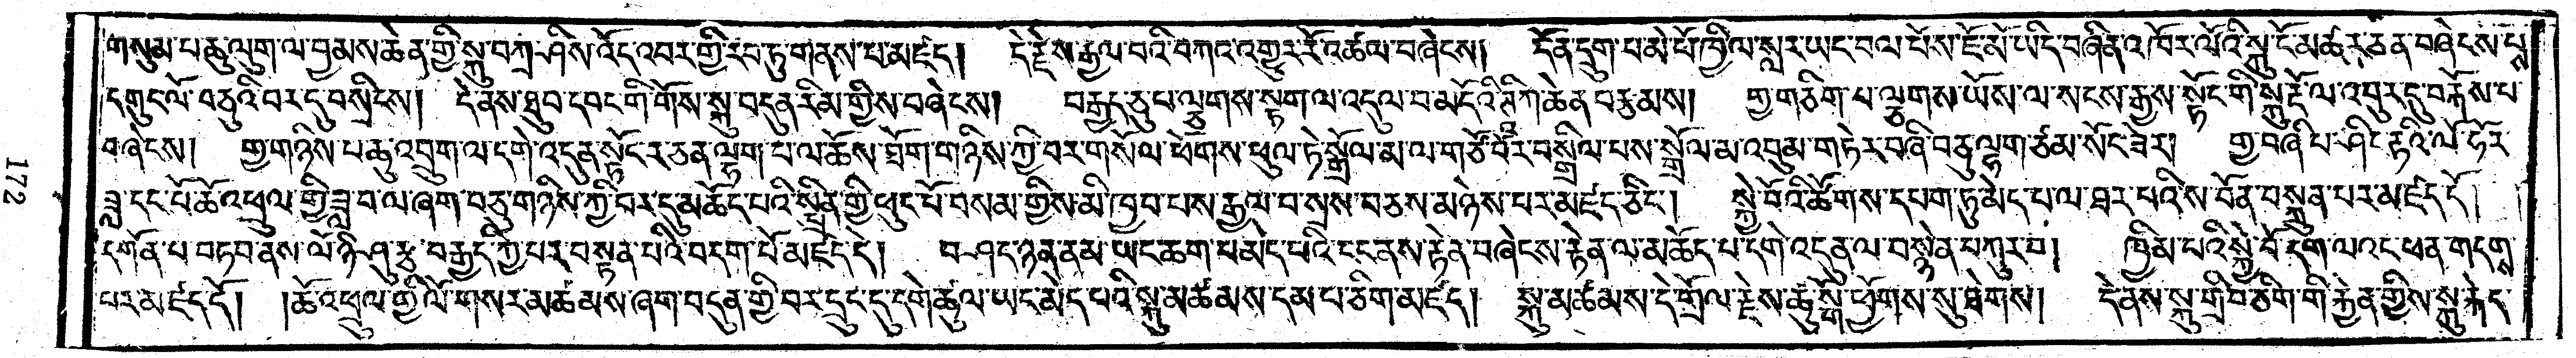གསུམ་པ་ཆུ་ལུག་ལ་བྱམས་ཆེན་གྱི་སྐུ་བཀྲ་ཤིས་འོད་འབར་གྱི་རབ་ཏུ་གནས་པ་མཛད། དེ་རྗེས་རྒྱལ་བའི་བཀའ་འགྱུར་རོ་འཚལ་བཞེངས། དོན་དྲུག་པ་མེ་པོ་ཁྱིལ་སླར་ཡང་བལ་པོས་ཇོ་མོ་ཡིད་བཞིན་འཁོར་ལོའི་སྐུ་ངོ་མཚར་ཅན་བཞེངས་པས་
དགུང་ལོ་བཅུའི་བར་དུ་བསྲིངས། དེ་ནས་ཐུབ་དབང་གི་གོས་སྐུ་བདུན་རིམ་གྱིས་བཞེངས། བརྒྱད་ཅུ་པ་ལྕགས་སྟག་ལ་འདུལ་བ་མདོའི་ཊཱི་ཀ་ཆེན་བརྩམས། གྱ་གཅིག་པ་ལྕགས་ཡོས་ལ་སངས་རྒྱས་སྟོང་གི་སྐུ་རྡོ་ལ་འབུར་དུ་བརྐོས་པ་
བཞེངས། གྱ་གཉིས་པ་ཆུ་འབྲུག་ལ་དགེ་འདུན་སྟོང་ར་ཅན་ལྷག་པ་ལ་ཆོས་ཐོག་གཉིས་ཀྱི་བར་གསོལ་ཕོགས་ཕུལ་ཏེ་སྒྲོལ་མ་ལ་གཙོ་བོར་བསྒྲིལ་བས་སྒྲོལ་མ་འབུམ་གཏེར་བཞི་བཅུ་ལྷག་ཙམ་སོང་ཟེར། གྱ་བཞི་པ་ཤིང་རྟའི་ལོ་ཧོར་
ཟླ་དང་པོ་ཆོ་འཕྲུལ་གྱི་ཟླ་བ་ལ་ཞག་བཅུ་གཉིས་ཀྱི་བར་དུ་མཆོད་པའི་སྤྲིན་གྱི་ཕུང་པོ་བསམ་གྱིས་མི་ཁྱབ་པས་རྒྱལ་བ་སྲས་བཅས་མཉེས་པར་མཛད་ཅིང་། སྐྱེ་བོའི་ཚོགས་དཔག་ཏུ་མེད་པ་ལ་ཐར་པའི་ས་བོན་བསྐྲུན་པར་མཛད་དོ། །
དགོན་པ་བཏབ་ནས་ལོ་ཉི་ཤུ་རྩ་བརྒྱད་ཀྱི་པར་བསྟན་པའི་བདག་པོ་མཛད་དེ། བཤད་ཉན་ནམ་ཡང་ཆག་པ་མེད་པའི་ངང་ནས་རྟེན་བཞེངས་རྟེན་ལ་མཆོད་པ་དགེ་འདུན་ལ་བསྙེན་བསྐུར་བ། ཁྱིམ་པའི་སྐྱེ་བོ་དག་ལའང་ཕན་གདགས་
པར་མཛད་དོ། །ཆོ་འཕྲུལ་གྱི་ལོ་གསར་མཚམས་ཞག་བདུན་གྱི་བར་དྲུང་དུ་དགེ་ཚུལ་ཡང་མེད་པའི་སྐུ་མཚམས་དམ་པ་ཅིག་མཛད། སྐུ་མཚམས་དེ་གྲོལ་རྗེས་ཆུ་སྒོ་ཕྱོགས་སུ་ཐེགས། དེ་ནས་སྐུ་གྲིབ་ཅིག་གི་རྐྱེན་གྱིས་སྐུ་རྐེད་